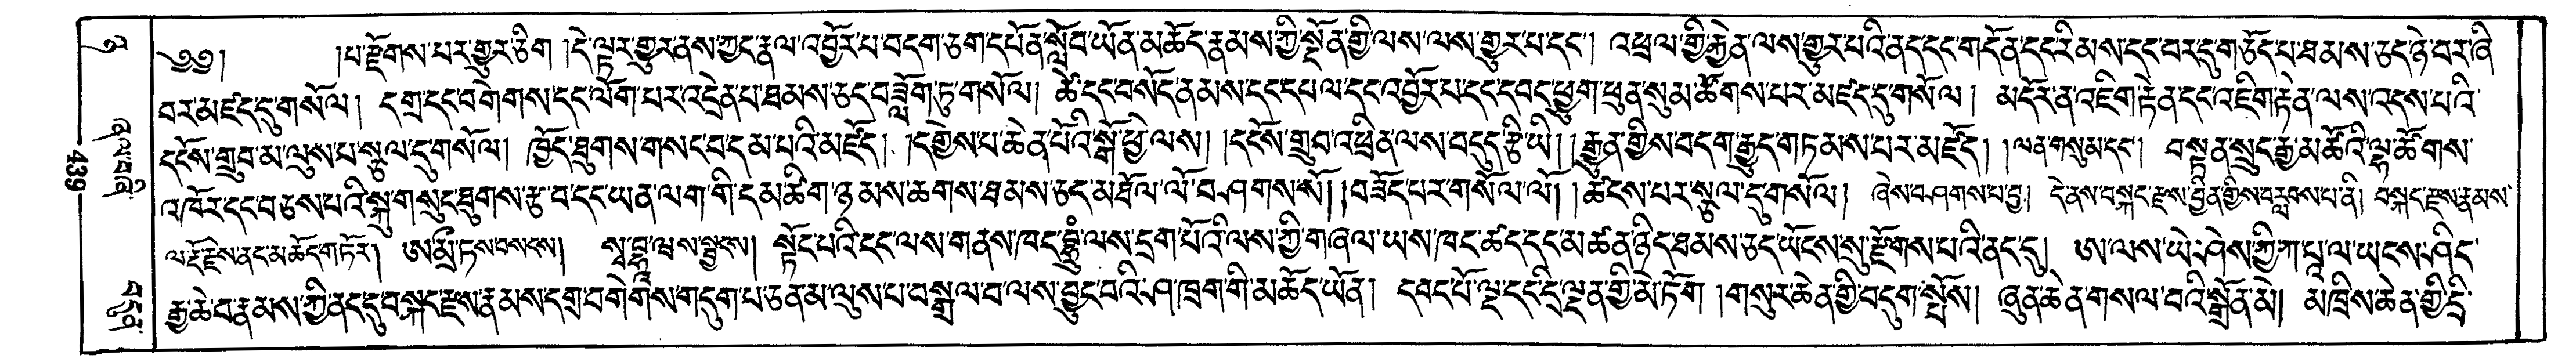༄༅། །བ་རྫོགས་པར་གྱུར་ཅིག །དེ་ལྟར་གྱུར་ནས་ཀྱང་རྣལ་འབྱོར་པ་བདག་ཅག་དཔོན་སློབ་ཡོན་མཆོད་རྣམས་ཀྱི་སྔོན་གྱི་ལས་ལས་གྱུར་པ་དང་། འཕྲལ་གྱི་རྐྱེན་ལས་གྱུར་པའི་ནད་དང་གདོན་དང་རིམས་དང་བར་དུ་གཅོད་པ་ཐམས་ཅད་ཉེ་བར་ཞི་
བར་མཛད་དུ་གསོལ། དགྲ་དང་བགེགས་དང་ལོག་པར་འདྲེན་པ་ཐམས་ཅད་བཟློག་ཏུ་གསོལ། ཚེ་དང་བསོད་ནམས་དང་དཔལ་དང་འབྱོར་པ་དང་དབང་ཕྱུག་ཕུན་སུམ་ཚོགས་པར་མཛད་དུ་གསོལ། མདོར་ན་འཇིག་རྟེན་དང་འཇིག་རྟེན་ལས་འདས་པའི་
དངོས་གྲུབ་མ་ལུས་པ་སྩལ་དུ་གསོལ། ཁྱོད་ཐུགས་གསང་བ་དམ་པའི་མཛོད། །དགྱེས་པ་ཆེན་པོའི་སྒོ་ཕྱེ་ལས། །དངོས་གྲུབ་འཕྲིན་ལས་བདུད་རྩི་ཡི། །རྒྱུན་གྱིས་བདག་རྒྱུད་གཏམས་པར་མཛོད། །ལན་གསུམ་དང་། བསྟན་སྲུང་རྒྱ་མཚོའི་ལྷ་ཚོགས་
འཁོར་དང་བཅས་པའི་སྐུ་གསུང་ཐུགས་རྩ་བ་དང་ཡན་ལག་གི་དམ་ཚིག་ཉམས་ཆགས་ཐམས་ཅད་མཐོལ་ལོ་བཤགས་སོ། །བཟོད་པར་གསོལ་ལོ། །ཚངས་པར་སྩལ་དུ་གསོལ། ཞེས་བཤགས་པ་བྱ། དེ་ནས་བསྐང་རྫས་བྱིན་གྱིས་བརླབས་པ་ནི། བསྐང་རྫས་རྣམས་
ལ་རྡོ་རྗེས་ནང་མཆོད་གཏོར། ཨ་མྀ་ཏས་བསངས། སྭ་བྷཱ་ཝས་སྦྱངས། སྟོང་པའི་ངང་ལས་གནས་ཁང་བྷཱུཾ་ལས་དྲག་པོའི་ལས་ཀྱི་གཞལ་ཡས་ཁང་ཚད་དང་མཚན་ཉིད་ཐམས་ཅད་ཡོངས་སུ་རྫོགས་པའི་ནང་དུ། ཨ་ལས་ཡེ་ཤེས་ཀྱི་ཀ་པཱ་ལ་ཡངས་ཤིང་
རྒྱ་ཆེ་བ་རྣམས་ཀྱི་ནང་དུ་བསྐང་རྫས་རྣམས་དགྲ་བགེགས་གདུག་པ་ཅན་མ་ལུས་པ་བསྒྲལ་བ་ལས་བྱུང་བའི་ཤ་ཁྲག་གི་མཆོད་ཡོན། དབང་པོ་ལྔ་དང་དྲི་ལྡན་གྱི་མེ་ཏོག །གསུར་ཆེན་གྱི་བདུག་སྤོས། ཞུན་ཆེན་གསལ་བའི་སྒྲོན་མེ། མཁྲིས་ཆེན་གྱི་དྲི་